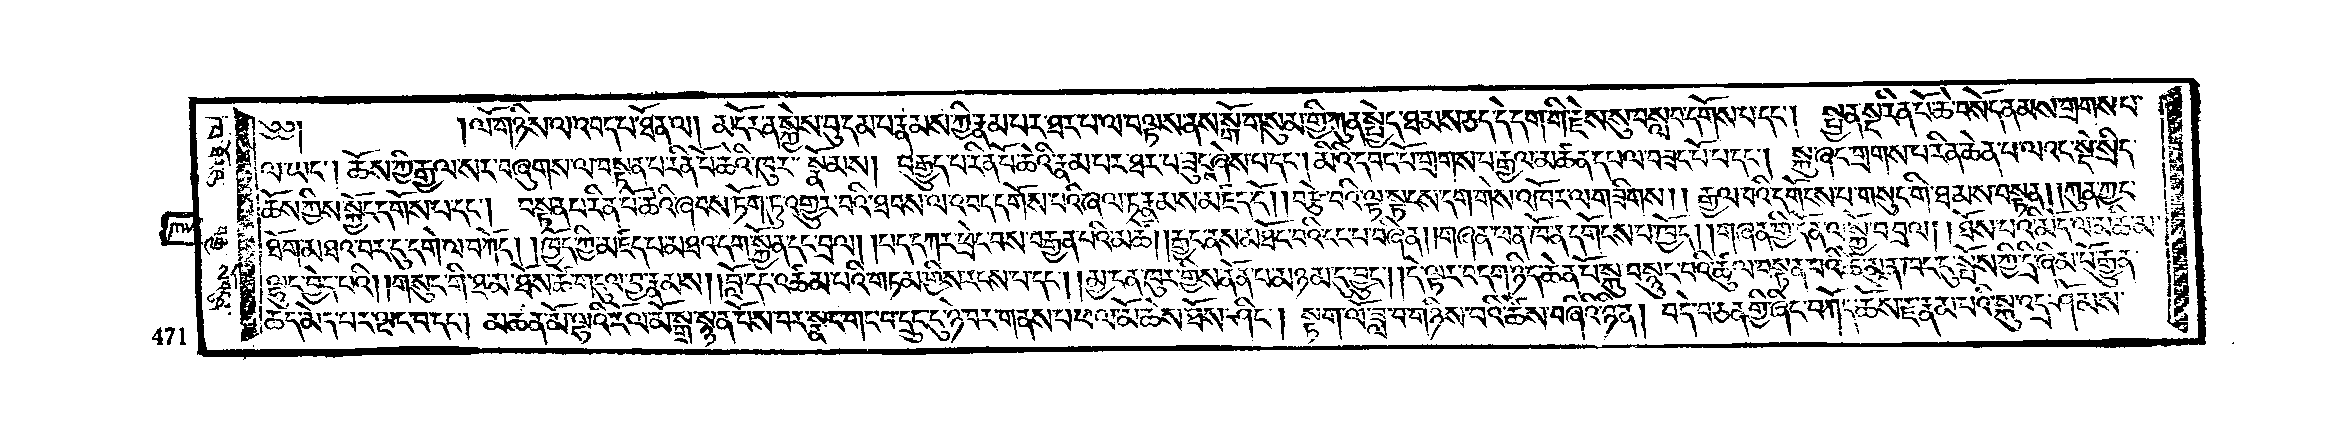༄༅། །ལོ་གཉིས་ལ་འབད་པ་ཐོན་ལ། མདོར་ན་སྐྱེས་བུ་དམ་པ་རྣམས་ཀྱི་རྣམ་པར་ཐར་པ་ལ་བལྟས་ནས་སྒོ་གསུམ་གྱི་ཀུན་སྤྱོད་ཐམས་ཅད་དེ་དག་གི་རྗེས་སུ་བསླབ་དགོས་པ་དང་། སྤྱན་སྔ་རིན་པོ་ཆེ་བསོད་ནམས་གྲགས་པ་
ལ་ཡང་། ཆོས་ཀྱི་རྒྱལ་སར་བཞུགས་ལ་བསྟན་པ་རིན་པོ་ཆེའི་ཁུར་སྣོམས། བརྒྱུད་པ་རིན་པོ་ཆེའི་རྣམ་པར་ཐར་པ་ཟུངས་ཞེས་པ་དང་། མིའི་དབང་པོ་གྲགས་པ་རྒྱལ་མཚན་དཔལ་བཟང་པོ་པ་དང་། སྐུ་ཞང་གྲགས་པ་རིན་ཆེན་པ་ལའང་སྡེ་སྲིད་
ཆོས་ཀྱིས་སྐྱོང་དགོས་པ་དང་། བསྟན་པ་རིན་པོ་ཆེའི་ཞབས་ཏོག་ཏུ་འགྱུར་བའི་ཐབས་ལ་འབད་དགོས་པའི་ཞལ་ཏ་རྣམས་མཛད་དོ། །བརྩེ་བའི་ལྟ་སྟངས་དག་གེས་འཁོར་ལ་གཟིགས། །རྒྱལ་བའི་དགོངས་པ་གསུང་གི་ཐ་མས་བསྟན། །ཀུན་ཀྱང་
ཐོག་མཐའ་བར་དུ་དགེ་ལ་བཀོད། །ཁྱོད་ཀྱི་མཛད་པ་མཐའ་དག་སྐྱོན་དང་བྲལ། །པད་དཀར་ཕྲེང་བས་བརྒྱན་པའི་མཚོ། །རྒྱང་ནས་མཐོང་བའི་ངང་པ་བཞིན། །གཞན་ཕན་ཁོ་ན་དགོངས་པ་ཁྱོད། །གཞན་གྱི་དོན་ལ་སྐྱོ་བ་བྲལ། །ཐོས་པའི་མདོ་ལ་མཆི་མ་
ལྷུང་བྱེད་པའི། །གསུང་གི་ཐ་མ་ཐོས་ཚེ་གདུལ་བྱ་རྣམས། །བློ་དང་འཚམ་པའི་གཏམ་གྱིས་རངས་པ་དང་། །མྱ་ངན་ཁུར་གྱིས་ནོན་པ་མཉམ་དུ་བྱུང་། །དེ་ལྟར་བདག་ཉིད་ཆེན་པོ་སྐུ་བསྙུང་བའི་ཚུལ་བསྟན་པའི་ཚེ་མུན་ཁང་དུ་སྤོས་ཀྱི་དྲི་ཞིམ་པོ་རྒྱུན་
ཆད་མེད་པར་ལྡང་བ་དང་། མཚན་མོ་ལྷའི་རོལ་མོ་སྒྲ་སྙན་པོས་བར་སྣང་གང་བ་དྲུང་དུ་ཉེ་བར་གནས་པ་ཕལ་མོ་ཆེས་ཐོས་ཤིང་། སྟག་ལོ་ཟླ་བ་གཉིས་པའི་ཚེས་བཞིའི་ཉིན། བདེ་བ་ཅན་གྱི་ཞིང་བཀོད་ཆོས་རྗེ་རྣམ་པའི་སྐུ་འདྲ་ཤོམས་